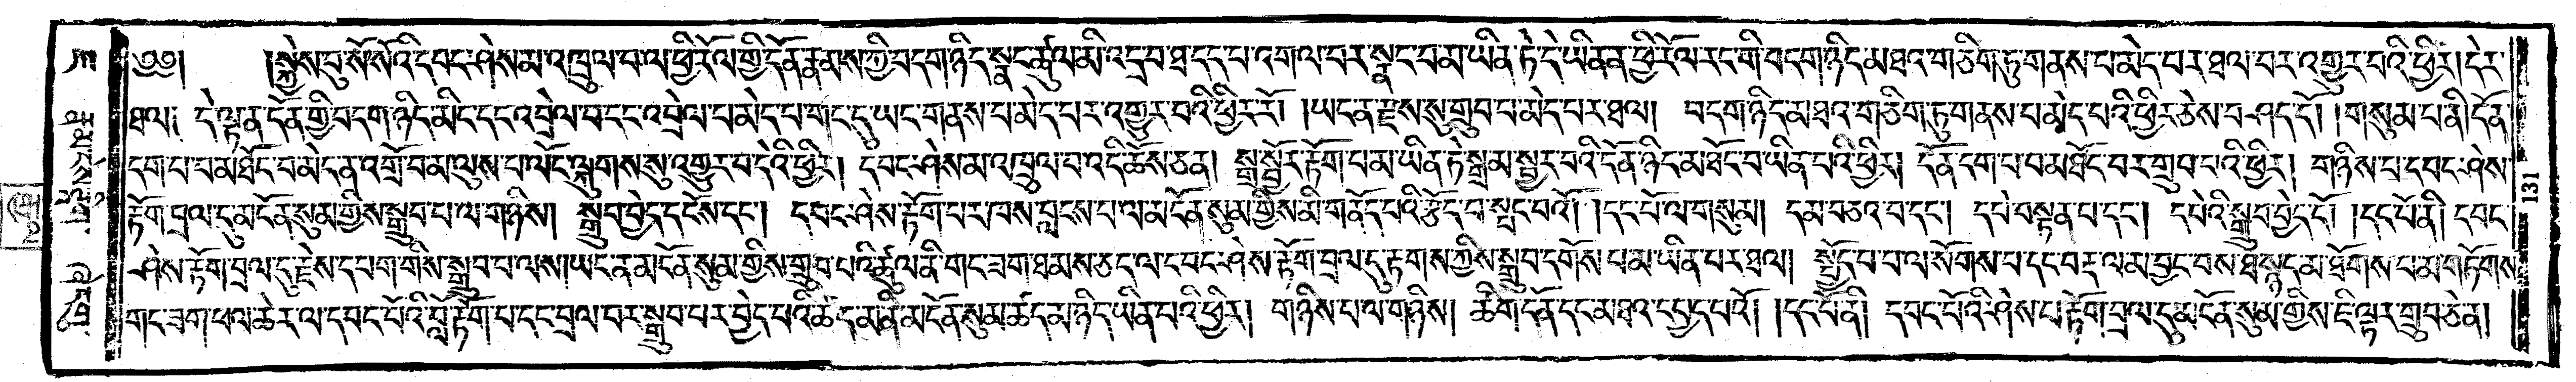༄༅། །སྐྱེས་བུ་སོ་སོའི་དབང་ཤེས་མ་འཁྲུལ་བ་ལ་ཕྱི་རོལ་གྱི་དོན་རྣམས་ཀྱི་བདག་ཉིད་སྣང་ཚུལ་མི་འདྲ་བ་ཐ་དད་པ་འགལ་བར་སྣང་བ་མ་ཡིན་ཏེ་དེ་ཡིན་ན་ཕྱི་རོལ་རང་གི་བདག་ཉིད་མཐའ་གཅིག་ཏུ་གནས་པ་མེད་པར་ཐལ་བར་འགྱུར་བའི་ཕྱིར། དེར་
ཐལ། དེ་ལྟ་ན་དོན་གྱི་བདག་ཉིད་མིང་དང་འབྲེལ་བ་དང་འབྲེལ་བ་མེད་པ་གང་དུ་ཡང་གནས་པ་མེད་པར་འགྱུར་བའི་ཕྱིར་རོ། །ཡང་ན་རྫས་སུ་གྲུབ་པ་མེད་པར་ཐལ། བདག་ཉིད་མཐའ་གཅིག་ཏུ་གནས་པ་མེད་པའི་ཕྱིར་ཅེས་བཤད་དོ། །གསུམ་པ་ནི། དོན་
དག་པ་བ་མཐོང་བ་མེད་ན་འགྲོ་བ་མ་ལུས་པ་ལོང་ལྐུགས་སུ་འགྱུར་བ་དེའི་ཕྱིར། དབང་ཤེས་མ་འཁྲུལ་བ་འདི་ཆོས་ཅན། སྒྲ་སྦྱོར་རྟོག་པ་མ་ཡིན་ཏེ་སྒྲ་མ་སྦྱར་བའི་དོན་ཉིད་མཐོང་བ་ཡིན་པའི་ཕྱིར། དོན་དག་པ་བ་མཐོང་བར་གྲུབ་པའི་ཕྱིར། གཉིས་པ་དབང་ཤེས་
རྟོག་བྲལ་དུ་མངོན་སུམ་གྱིས་སྒྲུབ་པ་ལ་གཉིས། སྒྲུབ་བྱེད་དངོས་དང་། དབང་ཤེས་རྟོག་པར་ཁས་བླངས་པ་ལ་མངོན་སུམ་གྱིས་མི་གནོད་པའི་རྩོད་པ་སྤང་བའོ། །དང་པོ་ལ་གསུམ། དམ་བཅའ་བ་དང་། དཔེ་བསྟན་པ་དང་། དཔེའི་སྒྲུབ་བྱེད་དོ། །དང་པོ་ནི། དབང་
ཤེས་རྟོག་བྲལ་དུ་རྗེས་དཔག་གིས་སྒྲུབ་པ་ལས། ཡང་ན་མངོན་སུམ་གྱིས་གྲུབ་པའི་ཚུལ་ནི་གང་ཟག་ཐམས་ཅད་ལ་དབང་ཤེས་རྟོག་བྲལ་དུ་རྟགས་ཀྱིས་སྒྲུབ་དགོས་པ་མ་ཡིན་པར་ཐལ། སྤྱོད་པ་བ་ལ་སོགས་པ་དང་བརྡ་ལམ་བྱང་བས་ཐ་སྙད་མ་ཐོགས་པ་མ་གཏོགས་
གང་ཟག་ཕལ་ཆེར་ལ་དབང་པོའི་བློ་རྟོག་པ་དང་བྲལ་བར་སྒྲུབ་པར་བྱེད་པའི་ཚད་མ་ནི་མངོན་སུམ་ཚད་མ་ཉིད་ཡིན་པའི་ཕྱིར། གཉིས་པ་ལ་གཉིས། ཚིག་དོན་དང་མཐའ་དཔྱད་པའོ། །དང་པོ་ནི། དབང་པོའི་ཤེས་པ་རྟོག་བྲལ་དུ་མངོན་སུམ་གྱིས་ཇི་ལྟར་གྲུབ་ཅེ་ན།